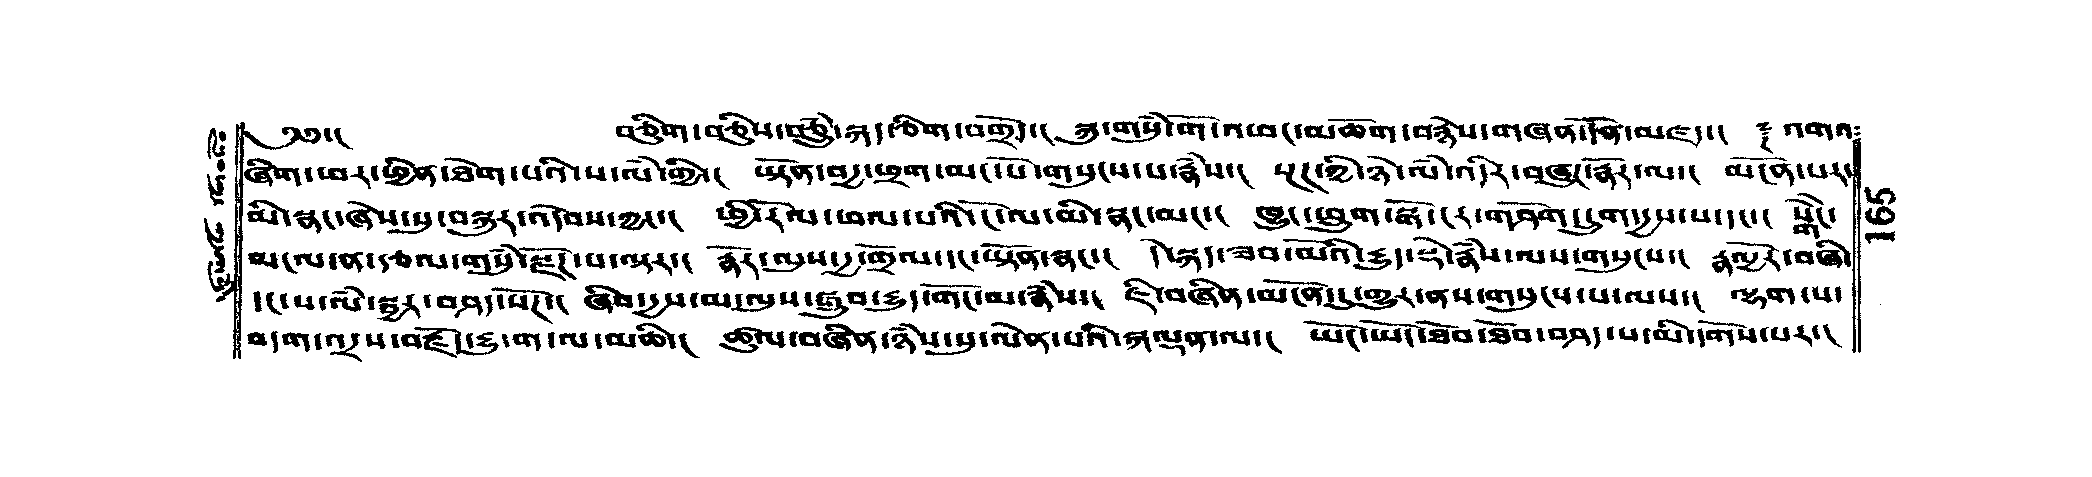།བཅུ་གཅིག་བཅུ་གཉིས་བཅུ་དྲུག་སྐད་ཅིག་བགྲོད། །སྐུ་གསུམ་གོ་འཕང་མཆོག་བརྙེས་གཞན་དོན་མཛད། ༈ འགའ་
ཞིག་ཕར་ཕྱིན་ཐེག་པའི་ས་ལམ་གྱི། །ཡོན་ཏན་བརྒྱ་ཕྲག་མང་པོ་གསུངས་པ་རྣམས། །སྔགས་གྱི་ཉེ་ལམ་འདིར་བཞུགས་རྣལ་འབྱོར་ལ། །མངོན་པར་
མི་སྣང་ཞེས་སུ་བསྐུར་འདེབས་ཀྱང་། །ཕྱི་རོལ་ཕལ་པའི་ངོ་ལ་མི་སྣང་ཡང་། ཁྱུང་ཕྲུག་སྒོང་ངར་གཤོག་དྲུག་རྒྱས་པ་དང་། །སེང་གེ་
མངལ་ན་རྩལ་གསུམ་རྫོགས་པ་ལྟར། །རྣལ་འབྱོར་ལུས་རྒྱ་གྲོལ་དང་ཡོན་ཏན་སྣང་། །དེ་སྐད་ཟབ་མོའི་རྒྱུད་སྡེ་རྣམས་ལས་གསུངས། །རྣལ་འབྱོར་བཞི་
དང་ས་ལམ་སྦྱར་བཤད་སོགས། །ཞིབ་རྒྱས་མ་ལུས་སྒྲུབ་རྒྱུད་གོང་མ་རྣམས། །ཇི་བཞིན་མངོན་དུ་གྱུར་ནས་གསུངས་པ་ལས། །ལྷག་པ་
བདག་འདྲས་བརྗོད་རྒྱུ་ག་ལ་མཆི། །ཚུལ་བཞིན་ཉམས་སུ་ལེན་པའི་སྐལ་ལྡན་ལ། །ཡོང་ཡོང་ཐོབ་ཐོབ་བཤད་པ་མི་དགོས་པར།